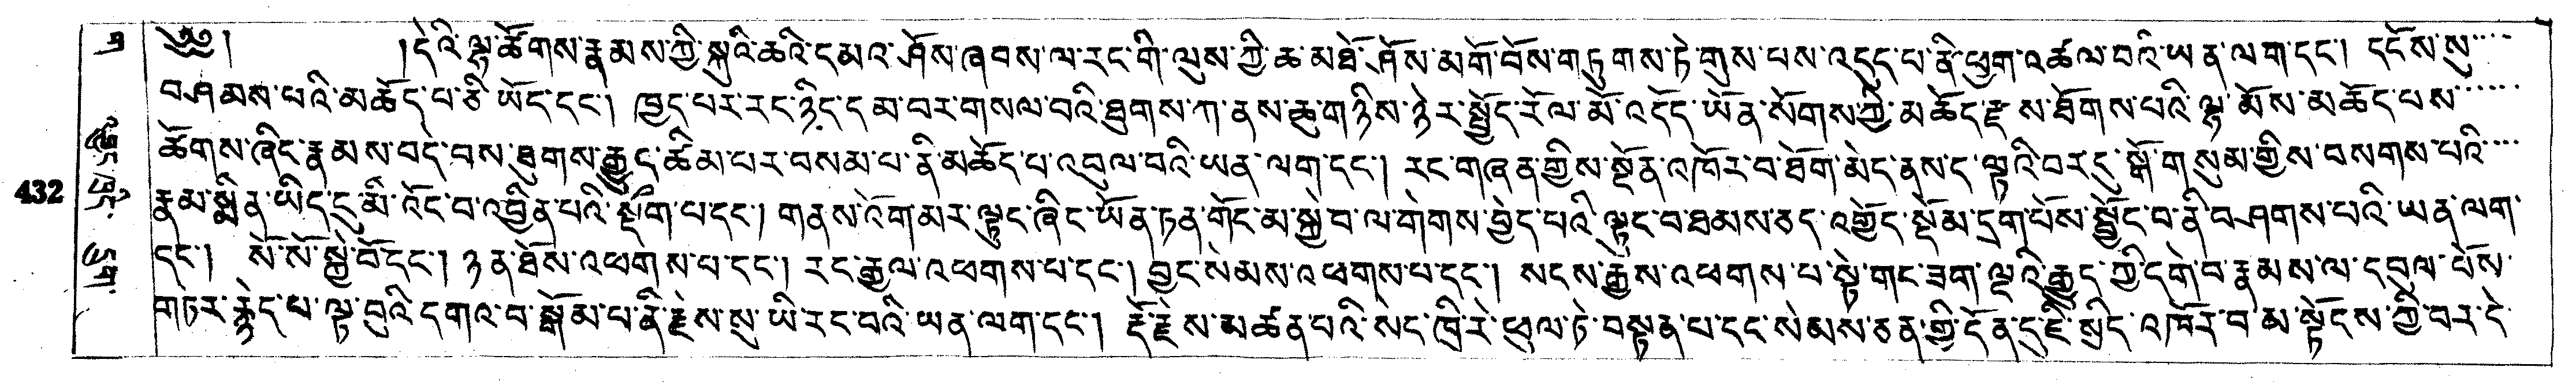༄༅། །དེའི་ལྷ་ཚོགས་རྣམས་ཀྱི་སྐུའི་ཆའི་དམའ་ཤོས་ཞབས་ལ་རང་གི་ལུས་ཀྱི་ཆ་མཐོ་ཤོས་མགོ་བོས་གཏུགས་ཏེ་གུས་པས་འདུད་པ་ནི་ཕྱག་འཚལ་བའི་ཡན་ལག་དང་། དངོས་སུ་
བཤམས་པའི་མཆོད་པ་ཅི་ཡོད་དང་། ཁྱད་པར་རང་ཉིད་དམ་པར་གསལ་བའི་ཐུགས་ཀ་ནས་ཆུ་གཉིས་ཉེར་སྤྱོད་རོལ་མོ་འདོད་ཡོན་སོགས་ཀྱི་མཆོད་རྫས་ཐོགས་པའི་ལྷ་མོས་མཆོད་པས་
ཚོགས་ཞིང་རྣམས་བདེ་བས་ཐུགས་རྒྱུད་ཚིམ་པར་བསམ་པ་ནི་མཆོད་པ་འབུལ་བའི་ཡན་ལག་དང་། རང་གཞན་གྱིས་སྔོན་འཁོར་བ་ཐོག་མེད་ནས་ད་ལྟའི་བར་དུ་སྒོ་གསུམ་གྱིས་བསགས་པའི་
རྣམ་སྨིན་ཡིད་དུ་མི་འོང་བ་འབྱིན་པའི་སྡིག་པ་དང་། གནས་འོག་མར་ལྟུང་ཞིང་ཡོན་ཏན་གོང་མ་སྐྱེ་བ་ལ་གེགས་བྱེད་པའི་ལྟུང་བ་ཐམས་ཅད་འགྱོད་སྡོམ་དྲག་པོས་སྦྱོང་བ་ནི་བཤགས་པའི་ཡན་ལག་
དང་། སོ་སོ་སྐྱེ་བོ་དང་། ཉན་ཐོས་འཕགས་པ་དང་། རང་རྒྱལ་འཕགས་པ་དང་། བྱང་སེམས་འཕགས་པ་དང་། སངས་རྒྱས་འཕགས་པ་སྟེ་གང་ཟག་ལྔའི་རྒྱུད་ཀྱི་དགེ་བ་རྣམས་ལ་དབུལ་པོས་
གཏར་རྙེད་པ་ལྟ་བུའི་དགའ་བ་སྒོམ་པ་ནི་རྗེས་སུ་ཡི་རང་བའི་ཡན་ལག་དང་། རྡོ་རྗེས་མཚན་པའི་སེང་ཁྲི་རེ་ཕུལ་ཏེ་བསྟན་པ་དང་སེམས་ཅན་གྱི་དོན་དུ་ཇི་སྲིད་འཁོར་བ་མ་སྟོངས་ཀྱི་བར་དེ་